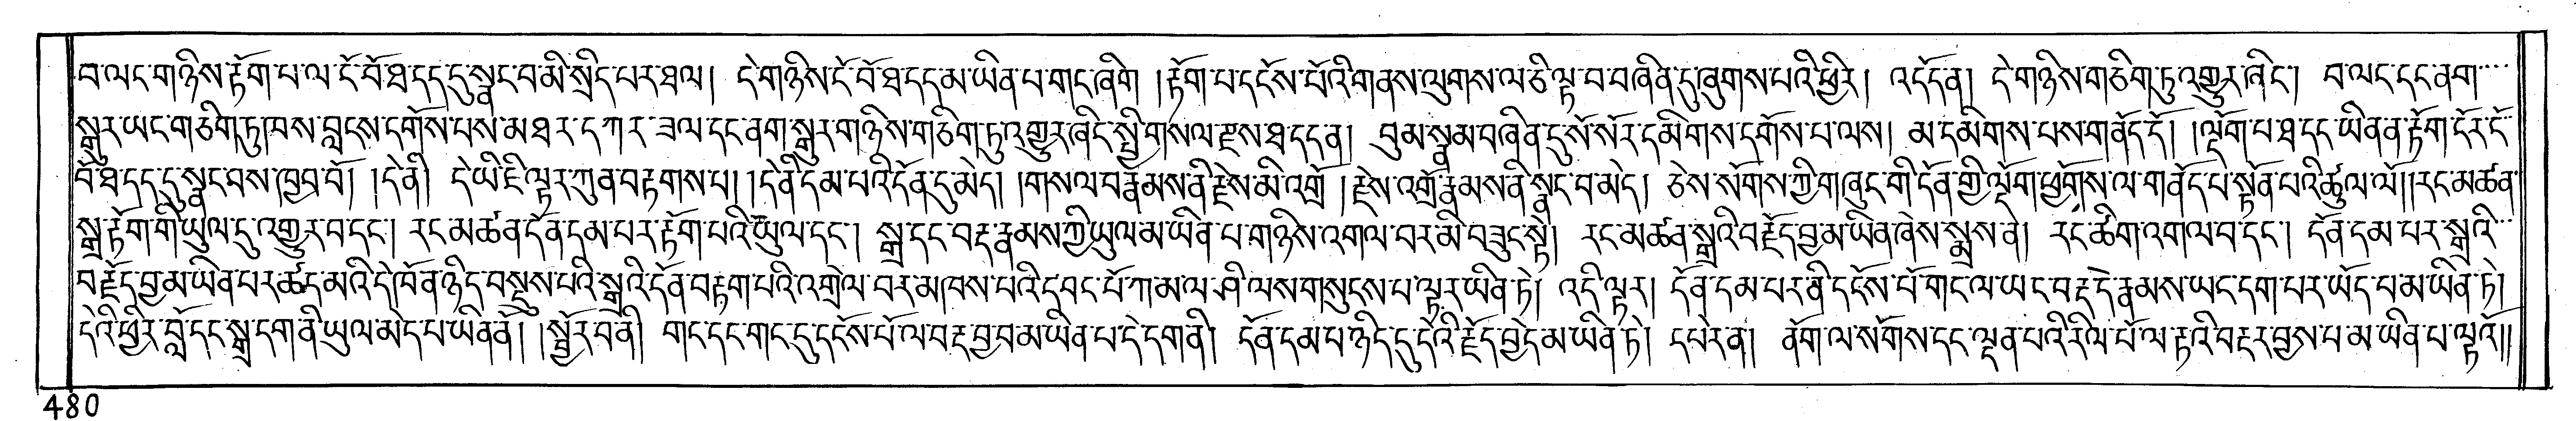བ་ལང་གཉིས་རྟོག་པ་ལ་ངོ་བོ་ཐ་དད་དུ་སྣང་བ་མི་སྲིད་པར་ཐལ། དེ་གཉིས་ངོ་བོ་ཐ་དད་མ་ཡིན་པ་གང་ཞིག །རྟོག་པ་དངོས་པོའི་གནས་ལུགས་ལ་ཅི་ལྟ་བ་བཞིན་དུ་ཞུགས་པའི་ཕྱིར། འདོད་ན། དེ་གཉིས་གཅིག་ཏུ་འགྱུར་ཞིང་། བ་ལང་དང་ནག་
སྒུར་ཡང་གཅིག་ཏུ་ཁས་བླངས་དགོས་པས་མཐར་དཀར་ཟལ་དང་ནག་སྒུར་གཉིས་གཅིག་ཏུ་འགྱུར་ཞིང་སྤྱི་གསལ་རྫས་ཐ་དད་ན། བུམ་སྣམ་བཞིན་དུ་སོ་སོར་དམིགས་དགོས་པ་ལས། མ་དམིགས་བས་གནོད་དོ། །ལྡོག་པ་ཐ་དང་ཡིན་ན་རྟོག་ངོར་ངོ་
བོ་ཐ་དང་དུ་སྣང་བས་ཁྱབ་བོ། །དེ་ནི། དེ་ཡི་ཇི་ལྟར་ཀུན་བརྟགས་པ། །དེ་ནི་དམ་པའི་དོན་དུ་མེད། །གསལ་བ་རྣམས་ནི་རྗེས་མི་འགྲོ་།རྗེས་འགྲོ་རྣམས་ནི་སྣང་བ་མེད། ཅེས་སོགས་ཀྱི་གཞུང་གི་དོན་གྱི་ལྡོག་ཕྱོགས་ལ་གནོད་པ་སྟོན་པའི་ཚུལ་ལོ། །རང་མཚན་
སྒྲ་རྟོག་གི་ཡུལ་དུ་འགྱུར་བ་དང་། རང་མཚན་དོན་དམ་པར་རྟོག་པའི་ཡུལ་དང་། སྒྲ་དང་བརྡ་རྣམས་ཀྱི་ཡུལ་མ་ཡིན་པ་གཉིས་འགལ་བར་མི་བཟུང་སྟེ། རང་མཚན་སྒྲའི་བརྗོད་བྱ་མ་ཡིན་ཞེས་སྨྲས་ན། རང་ཚིག་འགལ་བ་དང་། དོན་དམ་པར་སྒྲའི་
བརྗོད་བྱ་མ་ཡིན་པར་ཚད་མའི་དེ་ཁོ་ན་ཉིད་བསྡུས་པའི་སྒྲའི་དོན་བརྟག་པའི་འགྲེལ་པར་མཁས་པའི་དབང་པོ་ཀ་མ་ལ་ཤཱི་ལས་གསུངས་པ་ལྟར་ཡིན་ཏེ། འདི་ལྟར། དོན་དམ་པར་ནི་དངོས་པོ་གང་ལ་ཡང་བརྡ་དེ་རྣམས་ཡང་དག་པར་ཡོད་པ་མ་ཡིན་ཏེ།
དེའི་ཕྱིར་བློ་དང་སྒྲ་དག་ནི་ཡུལ་མེད་པ་ཡིན་ནོ། །སྦྱོར་བ་ནི། གང་དང་གང་དུ་དངོས་པོ་ལ་བརྡ་བྱ་བ་མ་ཡིན་པ་དེ་དག་ནི། དོན་དམ་པ་ཉིད་དུ་དེའི་རྗོད་བྱེད་མ་ཡིན་ཏེ། དཔེར་ན། ནོག་ལ་སོགས་དང་ལྡན་པའི་རིལ་པོ་ལ་རྟའི་བརྔར་བྱས་བ་མ་ཡིན་པ་ལྟའོ།།